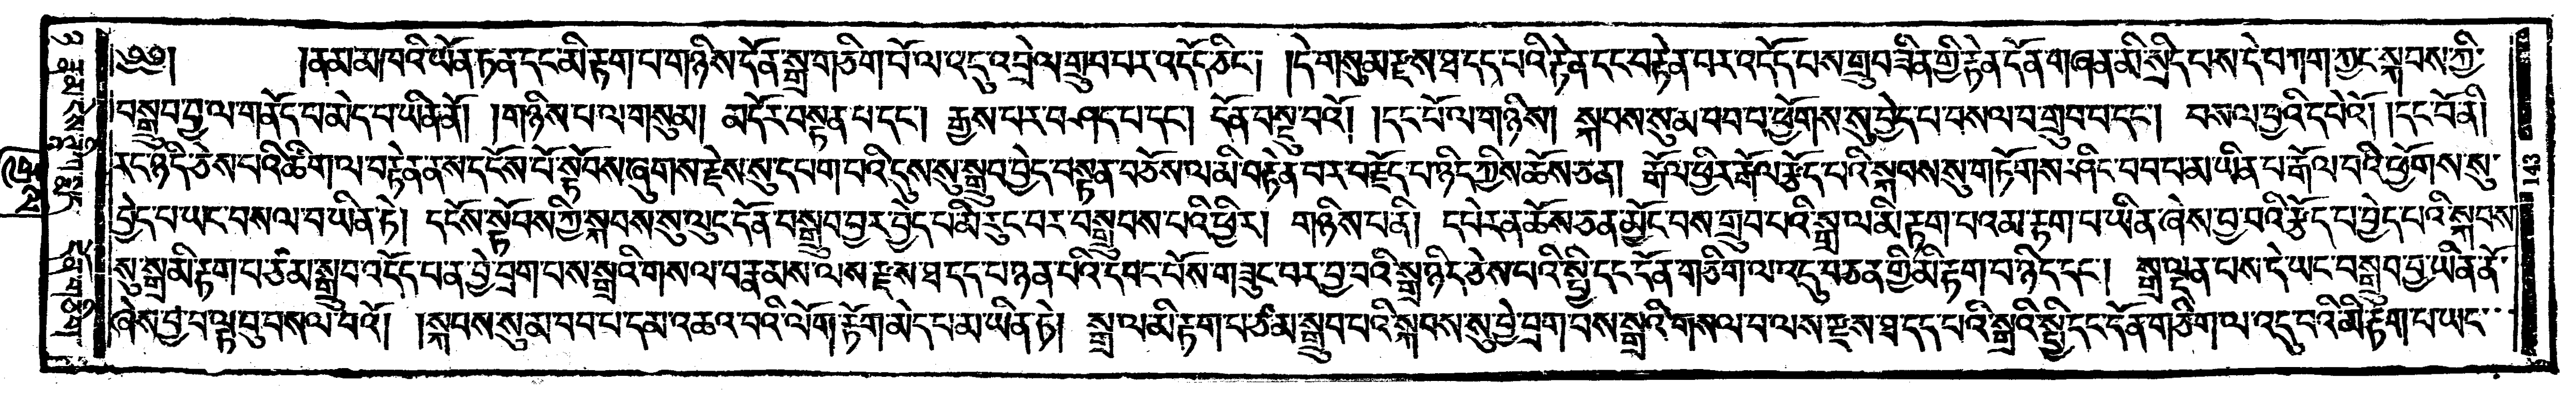༄༅། །ནམ་མཁའི་ཡོན་ཏན་དང་མི་རྟག་པ་གཉིས་དོན་སྒྲ་གཅིག་པོ་ལ་འདུ་འབྲེལ་གྲུབ་པར་འདོད་ཅིང་། །དེ་གསུམ་རྫས་ཐ་དད་པའི་རྟེན་དང་བརྟེན་པར་འདོད་པས་གྲུབ་ཟིན་གྱི་རྟེན་དོན་གཞན་མི་སྲིད་པས་དེ་བཀག་ཀྱང་སྐབས་ཀྱི་
བསྒྲུབ་བྱ་ལ་གནོད་པ་མེད་པ་ཡིན་ནོ། །གཉིས་པ་ལ་གསུམ། མདོར་བསྟན་པ་དང་། རྒྱས་པར་བཤད་པ་དང་། དོན་བསྡུ་བའོ། །དང་པོ་ལ་གཉིས། སྐབས་སུ་མ་བབ་པ་ཕྱོགས་སུ་བྱེད་པ་བསལ་བ་གྲུབ་པ་དང་། བསལ་བྱའི་དཔེའོ། །དང་པོ་ནི།
རང་ཉིད་ཅེས་པའི་ཚིག་ལ་བརྟེན་ནས་དངོས་པོ་སྟོབས་ཞུགས་རྗེས་སུ་དཔག་པའི་དུས་སུ་སྒྲུབ་བྱེད་བསྟན་བཅོས་ལ་མི་བརྟེན་པར་བརྗོད་པ་ཉིད་ཀྱིས་ཆོས་ཅན། རྒོལ་ཕྱིར་རྒོལ་རྩོད་པའི་སྐབས་སུ་གཏོགས་ཤིང་བབ་བ་མ་ཡིན་པ་རྒོལ་བའི་ཕྱོགས་སུ་
བྱེད་པ་ཡང་བསལ་བ་ཡིན་ཏེ། དངོས་སྟོབས་ཀྱི་སྐབས་སུ་ལུང་དོན་བསྒྲུབ་བྱར་བྱེད་པ་མི་རུང་བར་བསྒྲུབས་པའི་ཕྱིར། གཉིས་པ་ནི། དཔེར་ན་ཆོས་ཅན་མྱོང་བས་གྲུབ་པའི་སྒྲ་ལ་མི་རྟག་པའམ་རྟག་པ་ཡིན་ཞེས་བྱ་བའི་རྩོད་པ་བྱེད་པའི་སྐབས་
སུ་སྒྲ་མི་རྟག་པ་ཙམ་སྒྲུབ་འདོད་པ་ན་བྱེ་བྲག་པས་སྒྲའི་གསལ་བ་རྣམས་ལས་རྫས་ཐ་དད་པ་ཉན་པའི་དབང་པོས་གཟུང་བར་བྱ་བའི་སྒྲ་ཉིད་ཅེས་པའི་སྤྱི་དང་དོན་གཅིག་ལ་འདུ་བ་ཅན་གྱི་མི་རྟག་པ་ཉིད་དང་། སྒྲ་ལྡན་པས་དེ་ཡང་བསྒྲུབ་བྱ་ཡིན་ནོ་
ཞེས་བྱ་བ་ལྟ་བུ་བསལ་བའོ། །སྐབས་སུ་མ་བབ་པ་དམ་འཆའ་བའི་ལོག་རྟོག་མེད་པ་མ་ཡིན་ཏེ། སྒྲ་ལ་མི་རྟག་པ་ཙམ་སྒྲུབ་པའི་སྐབས་སུ་བྱེ་བྲག་པས་སྒྲའི་གསལ་བ་ལས་རྫས་ཐ་དད་པའི་སྒྲའི་སྤྱི་དང་དོན་གཅིག་ལ་འདུ་བའི་མི་རྟག་པ་ཡང་